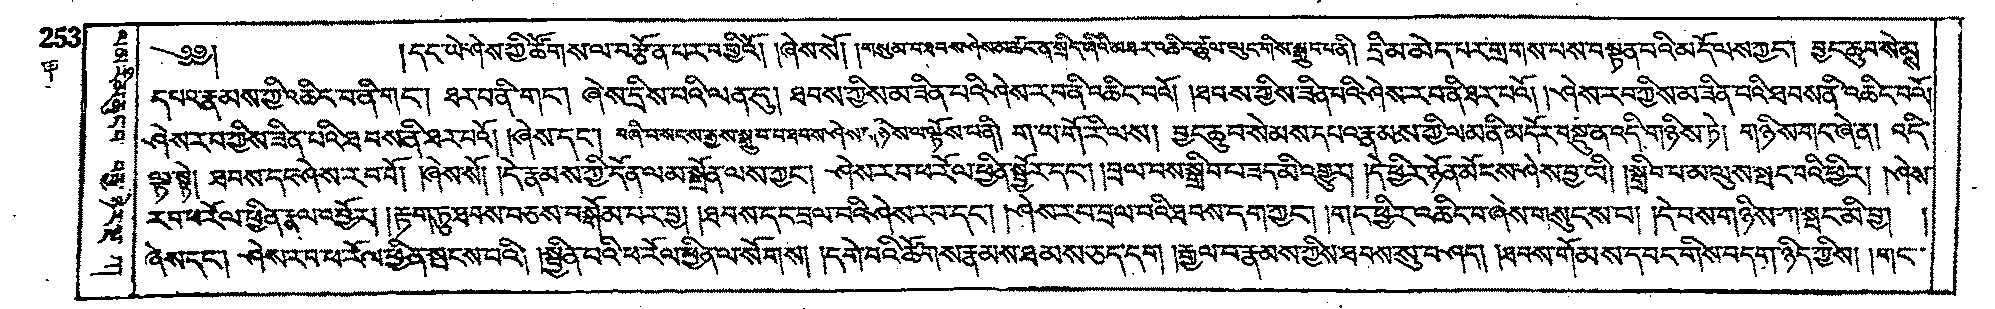༄༅། །དང་ཡེ་ཤེས་ཀྱི་ཚོགས་ལ་བརྩོན་པར་བགྱིའོ། །ཞེས་སོ། །གསུམ་པ་ཐབས་ཤེས་མ་ཚང་ན་སྲིད་ཞིའི་མཐར་འཆིང་ཚུལ་ལུང་གིས་སྒྲུབ་པ་ནི།  དྲི་མ་མེད་པར་གྲགས་པས་བསྟན་པའི་མདོ་ལས་ཀྱང་། བྱང་ཆུབ་སེམས་
དཔའ་རྣམས་ཀྱི་འཆིང་བ་ནི་གང་། ཐར་པ་ནི་གང་། ཞེས་དྲིས་པའི་ལན་དུ། ཐབས་ཀྱིས་མ་ཟིན་པའི་ཤེས་རབ་ནི་འཆིང་བའོ། །ཐབས་ཀྱིས་ཟིན་པའི་ཤེས་རབ་ནི་ཐར་པའོ། །ཤེས་རབ་ཀྱིས་མ་ཟིན་པའི་ཐབས་ནི་འཆིང་བའོ།
ཤེས་རབ་ཀྱིས་ཟིན་པའི་ཐབས་ནི་ཐར་པའོ། །ཞེས་དང་། བཞི་པ་སངས་རྒྱས་སྒྲུབ་པ་ཐབས་ཤེས་གཉིས་ལ་ལྟོས་པ་ནི། ག་ཡ་གོ་རི་ལས། བྱང་ཆུབ་སེམས་དཔའ་རྣམས་ཀྱི་ལམ་ནི་མདོར་བསྡུ་ན་འདི་གཉིས་ཏེ། གཉིས་གང་ཞེ་ན། འདི་
ལྟ་སྟེ། ཐབས་དང་ཤེས་རབ་བོ། །ཞེས་སོ། །དེ་རྣམས་ཀྱི་དོན་ལམ་སྒྲོན་ལས་ཀྱང་། ཤེས་རབ་ཕ་རོལ་ཕྱིན་སྦྱོར་དང་། །བྲལ་བས་སྒྲིབ་པ་ཟད་མི་འགྱུར། །དེ་ཕྱིར་ཉོན་མོངས་ཤེས་བྱ་ཡི། །སྒྲིབ་པ་མ་ལུས་སྤང་བའི་ཕྱིར། །ཤེས་
རབ་ཕ་རོལ་ཕྱིན་རྣལ་འབྱོར། །རྟག་ཏུ་ཐབས་བཅས་བསྒོམ་པར་བྱ། །ཐབས་དང་བྲལ་བའི་ཤེས་རབ་དང་། །ཤེས་རབ་བྲལ་བའི་ཐབས་དག་ཀྱང་། །གང་ཕྱིར་འཆིང་བ་ཞེས་གསུངས་པ། །དེ་བས་གཉིས་ཀ་སྤང་མི་བྱ། །
ཞེས་དང་། ཤེས་རབ་ཕ་རོལ་ཕྱིན་སྤངས་པའི། །སྦྱིན་པའི་ཕ་རོལ་ཕྱིན་ལ་སོགས། །དགེ་བའི་ཚོགས་རྣམས་ཐམས་ཅད་དག །རྒྱལ་བ་རྣམས་ཀྱིས་ཐབས་སུ་བཤད། །ཐབས་གོམས་དབང་གིས་བདག་ཉིད་ཀྱིས། །གང་